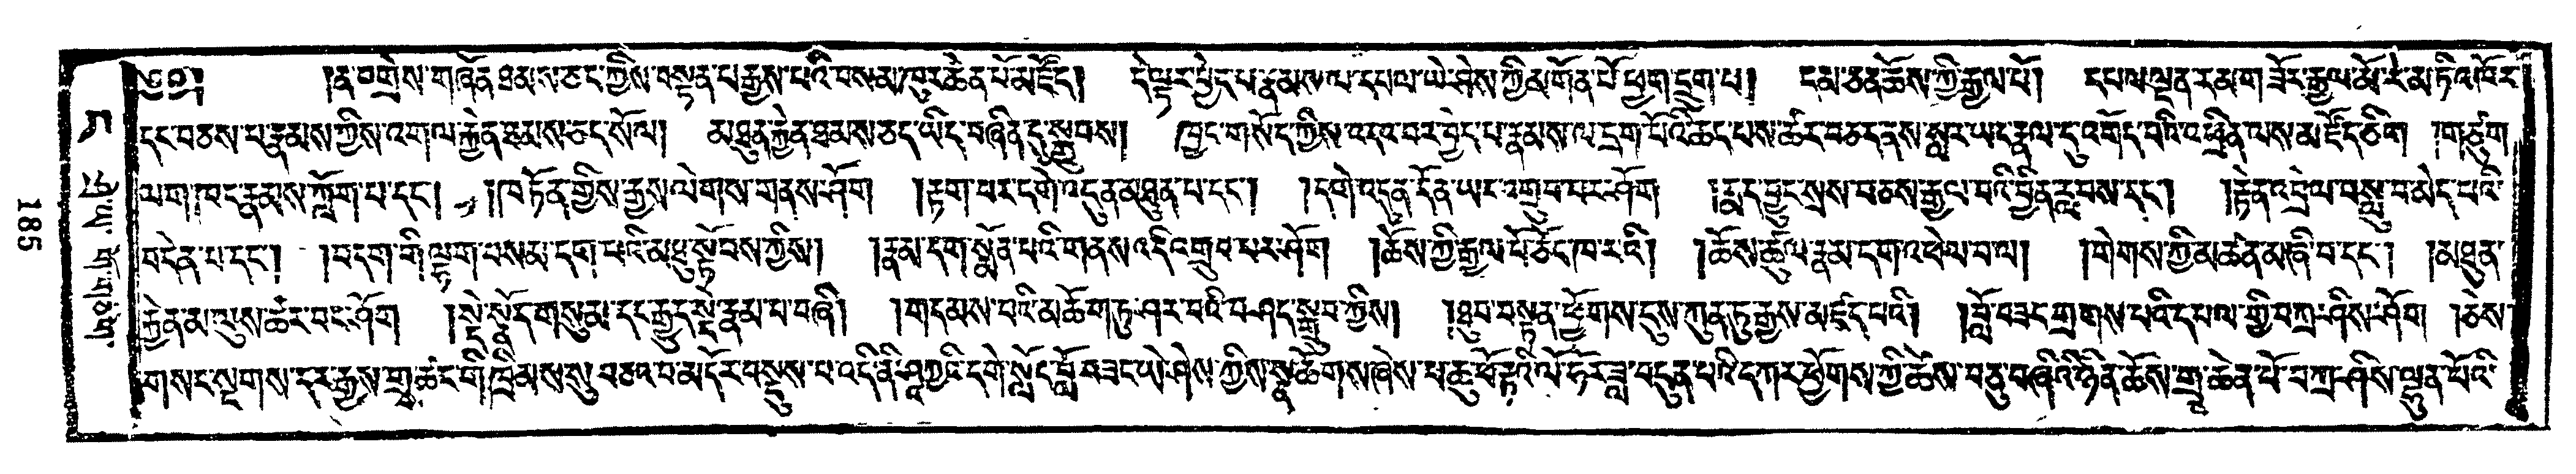༄༅། །ན་བགྲེས་གཞོན་ཐམས་ཅད་ཀྱིས་བསྟན་པ་རྒྱས་པའི་བསམ་ཁུར་ཆེན་པོ་མཛོད། དེ་ལྟར་བྱེད་པ་རྣམས་ལ་དཔལ་ཡེ་ཤེས་ཀྱི་མགོན་པོ་ཕྱག་དྲུག་པ། དམ་ཅན་ཆོས་ཀྱི་རྒྱལ་པོ། དཔལ་ལྡན་དམག་ཟོར་རྒྱལ་མོ་རེ་མ་ཏི་འཁོར་
དང་བཅས་པ་རྣམས་ཀྱིས་འགལ་རྐྱེན་ཐམས་ཅད་སོལ། མཐུན་རྐྱེན་ཐམས་ཅད་ཡིད་བཞིན་དུ་སྒྲུབས། ཁྱད་གསོད་ཀྱིས་འདའ་བར་བྱེད་པ་རྣམས་ལ་དྲག་པོའི་ཆད་པས་ཚར་བཅད་ནས་སླར་ཡང་རྣལ་དུ་འགོད་བའི་འཕྲིན་ལས་མཛོད་ཅིག །གཙུག་
ལག་ཁང་རྣམས་ཀློག་པ་དང་། །ཁ་ཏོན་གྱིས་རྒྱས་ལེགས་གནས་ཤོག །རྟག་པར་དགེ་འདུན་མཐུན་པ་དང་། །དགེ་འདུན་དོན་ཡང་འགྲུབ་པར་ཤོག །རྨད་བྱུང་སྲས་བཅས་རྒྱལ་བའི་བྱིན་རླབས་དང་། །རྟེན་འབྲེལ་བསླུ་བ་མེད་པའི་
བདེན་པ་དང་། །བདག་གི་ལྷག་བསམ་དག་པའི་མཐུ་སྟོབས་ཀྱིས། །རྣམ་དག་སྨོན་པའི་གནས་འདི་འགྲུབ་པར་ཤོག །ཆོས་ཀྱི་རྒྱལ་པོ་ཙོང་ཁ་པའི། །ཆོས་ཚུལ་རྣམ་དག་འཕེལ་བ་ལ། །གེགས་ཀྱི་མཚན་མ་ཞི་བ་དང་། །མཐུན་
རྐྱེན་མ་ལུས་ཚར་བང་ཤོག །སྡེ་སྣོད་གསུམ་དང་རྒྱུད་སྡེ་རྣམ་པ་བཞི། །གདམས་པའི་མཆོག་ཏུ་ཤར་བའི་བཤད་སྒྲུབ་ཀྱིས། །ཐུབ་བསྟན་ཕྱོགས་དུས་ཀུན་ཏུ་རྒྱས་མཛད་པའི། །བློ་བཟང་གྲགས་པའི་དཔལ་གྱི་བཀྲ་ཤིས་ཤོག །ཅེས་
གསང་སྔགས་དར་རྒྱས་གྲྭ་ཚང་གི་ཁྲིམས་སུ་བཅའ་བ་མདོར་བསྡུས་པ་འདི་ནི་ཤཱཀྱའི་དགེ་སློང་བློ་བཟང་ཡེ་ཤེས་ཀྱིས་སྣ་ཚོགས་ཞེས་པ་ཆུ་ཕོ་རྟའི་ལོ་ཧོར་ཟླ་བདུན་པའི་དཀར་ཕྱོགས་ཀྱི་ཚེས་བཅུ་བཞིའི་ཉིན་ཆོས་གྲྭ་ཆེན་པོ་བཀྲ་ཤིས་ལྷུན་པོའི་